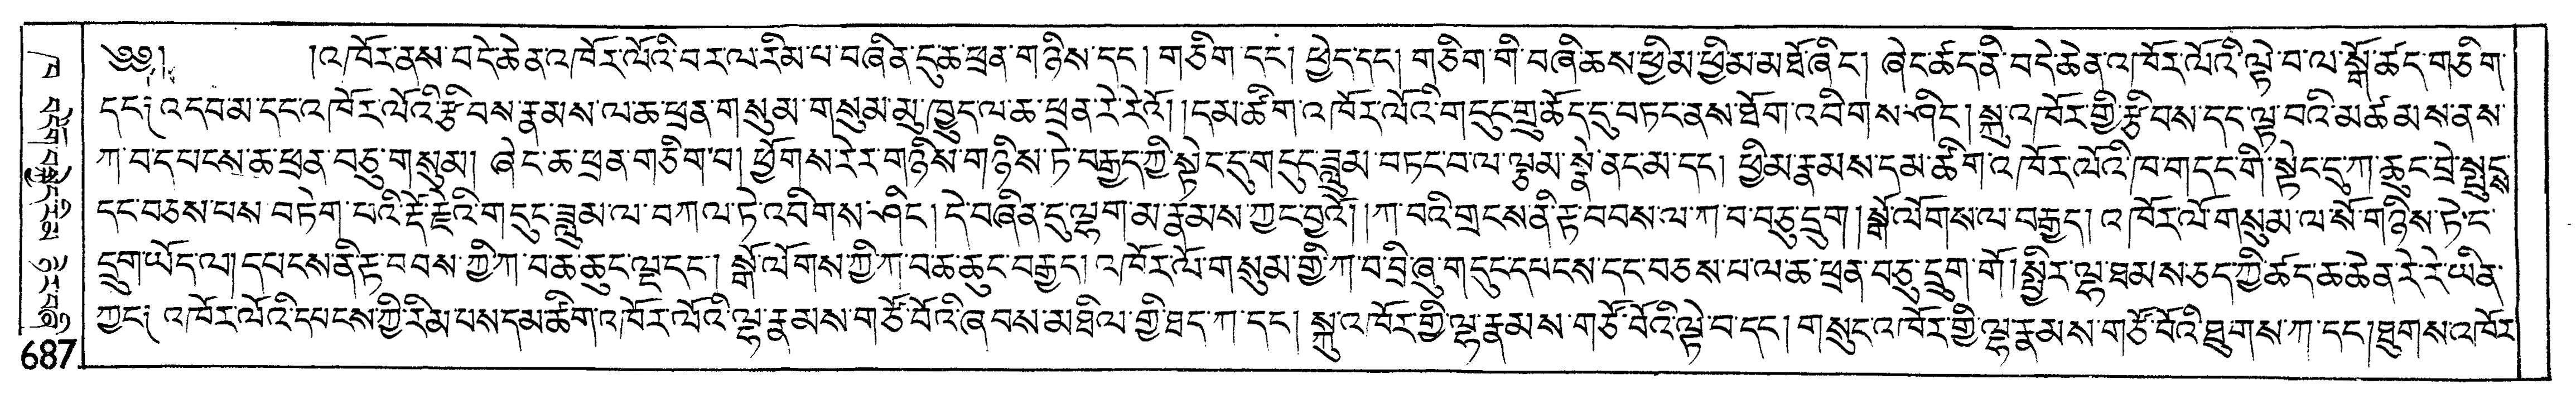༄༅། །འཁོར་ནས་བདེ་ཆེན་འཁོར་ལོའི་བར་ལ་རིམ་པ་བཞིན་དུ་ཆ་ཕྲན་གཉིས་དང་། གཅིག་དང་། ཕྱེད་དང་། གཅིག་གི་བཞི་ཆས་ཕྱི་མ་ཕྱི་མ་མཐོ་ཞིང་། ཞེང་ཚད་ནི་བདེ་ཆེན་འཁོར་ལོའི་ལྟེ་བ་ལ་སྒོ་ཚད་གཅིག་
དང༑ འདབ་མ་དང་འཁོར་ལོའི་རྩིབས་རྣམས་ལ་ཆ་ཕྲན་གསུམ་གསུམ་མུ་ཁྱུད་ལ་ཆ་ཕྲན་རེ་རེའོ། །དམ་ཚིག་འཁོར་ལོའི་གདུང་གྲུ་ཆོད་དུ་བཏང་ནས་ཐོག་འབིགས་ཤིང་། སྐུ་འཁོར་གྱི་རྩིབས་དང་ལྟ་བའི་མཚམས་ནས་
ཀ་བ་དཔངས་ཆ་ཕྲན་བཅུ་གསུམ། ཞེང་ཆ་ཕྲན་གཅིག་པ། ཕྱོགས་རེར་གཉིས་གཉིས་ཏེ་བརྒྱད་ཀྱི་སྟེང་དུ་གདུང་ཟླུམ་བཏང་བ་ལ་ལྕམ་སྣེ་ནང་མ་དང་། ཕྱི་མ་རྣམས་དམ་ཚིག་འཁོར་ལོའི་ཁ་གདང་གི་སྟེང་དུ་ཀ་ཆུང་བྲེ་སྤུངས་
དང་བཅས་པས་བཏེག་པའི་རྡོ་རྗེའི་གདུང་ཟླུམ་ལ་བཀལ་ཏེ་འབིགས་ཤིང་། དེ་བཞིན་དུ་ལྷག་མ་རྣམས་ཀྱང་བྱའོ། །ཀ་བའི་གྲངས་ནི་རྟ་བབས་ལ་ཀ་བ་བཅུ་དྲུག །སྒོ་ལོགས་ལ་བརྒྱད། འཁོར་ལོ་གསུམ་ལ་སོ་གཉིས་ཏེ་ང་
དྲུག་ཡོད་ལ། དཔངས་ནི་རྟ་བབས་ཀྱི་ཀ་བ་ཆུ་ཆུང་ལྔ་དང་། སྒོ་ལོགས་ཀྱི་ཀ་བ་ཆ་ཆུང་བརྒྱད། འཁོར་ལོ་གསུམ་གྱི་ཀ་བ་བྲི་ཞུ་གདུང་དཔངས་དང་བཅས་པ་ལ་ཆ་ཕྲན་བཅུ་དྲུག་གོ །སྤྱིར་ལྷ་ཐམས་ཅད་ཀྱི་ཚད་ཆ་ཆེན་རེ་རེ་ཡིན་
ཀྱང༑ འཁོར་ལོའི་དཔངས་ཀྱི་རིམ་པས་དམ་ཚིག་འཁོར་ལོའི་ལྷ་རྣམས་གཙོ་བོའི་ཞབས་མཐིལ་གྱི་ཐད་ཀ་དང་། སྐུ་འཁོར་གྱི་ལྷ་རྣམས་གཙོ་བོའི་ལྟེ་བ་དང་། གསུང་འཁོར་གྱི་ལྷ་རྣམས་གཙོ་བོའི་ཐུགས་ཀ་དང་། ཐུགས་འཁོར་